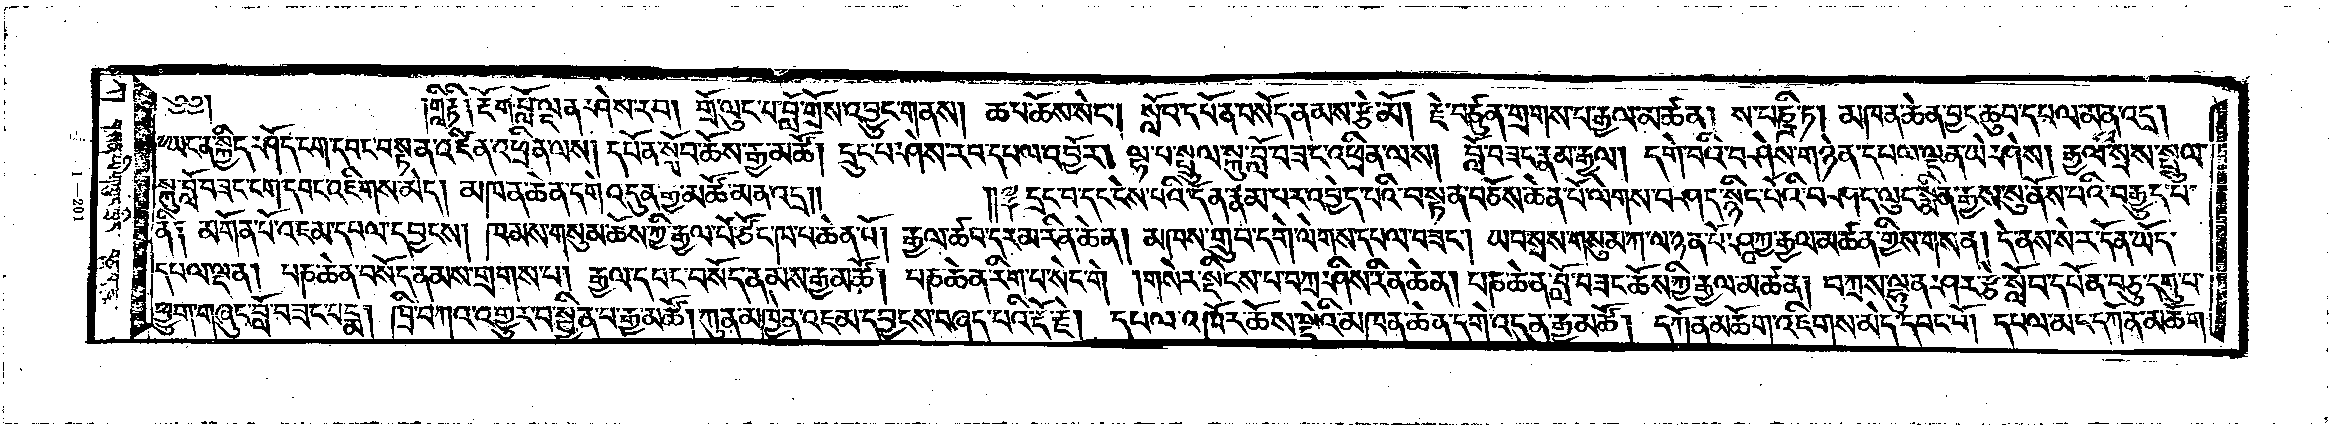༄༅། །གླིརྟི། རྔོག་བློ་ལྡན་ཤེས་རབ། གྲོ་ལུང་པ་བློ་གྲོས་འབྱུང་གནས། ཆ་པ་ཆོས་སེང་། སློབ་དཔོན་བསོད་ནམས་རྩེ་མོ། རྗེ་བཙུན་གྲགས་པ་རྒྱལ་མཚན། ས་པཎྜི་ཏ། མཁན་ཆེན་བྱང་ཆུབ་དཔལ་མན་འདྲ།
༧ཡང་ན་སྐྱིད་ཤོད་ངག་དབང་བསྟན་འཛིན་འཕྲིན་ལས། དཔོན་སློབ་ཆོས་རྒྱ་མཚོ། དྲུང་པ་ཤེས་རབ་དཔལ་འབྱོར། ལྷ་པ་སྤྲུལ་སྐུ་བློ་བཟང་འཕྲིན་ལས། བློ་བཟང་རྣམ་རྒྱལ། དགེ་བའི་བཤེས་གཉེན་དཔལ་ལྡན་ཡེ་ཤེས། རྒྱལ་སྲས་སྤྲུལ་
སྐུ་བློ་བཟང་ངག་དབང་འཇིགས་མེད། མཁན་ཆེན་དགེ་འདུན་རྒྱ་མཚོ་མན་འདྲ།། །། འ་དྲང་པ་དང་ངེས་པའི་དོན་རྣམ་པར་འབྱེད་པའི་བསྟན་བཅོས་ཆེན་པོ་ལེགས་བཤད་སྙིང་པོའི་བཤད་ལུང་སྨིན་རྒྱས་སུ་ནོས་པའི་བརྒྱུད་པ་
ནི༑ མགོན་པོ་འཇམ་དཔལ་དབྱངས། ཁམས་གསུམ་ཆོས་ཀྱི་རྒྱལ་པོ་ཙོང་ཁ་པ་ཆེན་པོ། རྒྱལ་ཚབ་དར་མ་རིན་ཆེན། མཁས་གྲུབ་དགེ་ལེགས་དཔལ་བཟང་། ཡབ་སྲས་གསུམ་ཀ་ལ་ཉན་པོ་ཤཱཀྱ་རྒྱལ་མཚན་གྱིས་གསན། དེ་ནས་སེ་ར་དོན་ཡོད་
དཔལ་ལྡན། པཎ་ཆེན་བསོད་ནམས་གྲགས་པ། རྒྱལ་དབང་བསོད་ནམས་རྒྱ་མཚོ། པཎ་ཆེན་རིག་པ་སེང་གེ །གསེར་སྡིངས་པ་བཀྲ་ཤིས་རིན་ཆེན། པཎ་ཆེན་བློ་བཟང་ཆོས་ཀྱི་རྒྱལ་མཚན། བཀྲས་ལྷུན་ཤར་རྩེ་སློབ་དཔོན་བཅུ་དགུ་པ་
ཕྱུག་གཞུང་བློ་བཟང་པདམ། ཁྲི་བཀའ་འགྱུར་བ་སྦྱིན་པ་རྒྱ་མཚོ། ཀུན་མཁྱེན་འཇམ་དབྱངས་བཞད་པའི་རྡོ་རྗེ། དཔལ་འཁོར་ཆོས་སྡེའི་མཁན་ཆེན་དགེ་འདུན་རྒྱ་མཚོ། དཀོན་མཆོག་འཇིགས་མེད་དབང་པོ། དཔལ་མང་དཀོན་མཆོག་